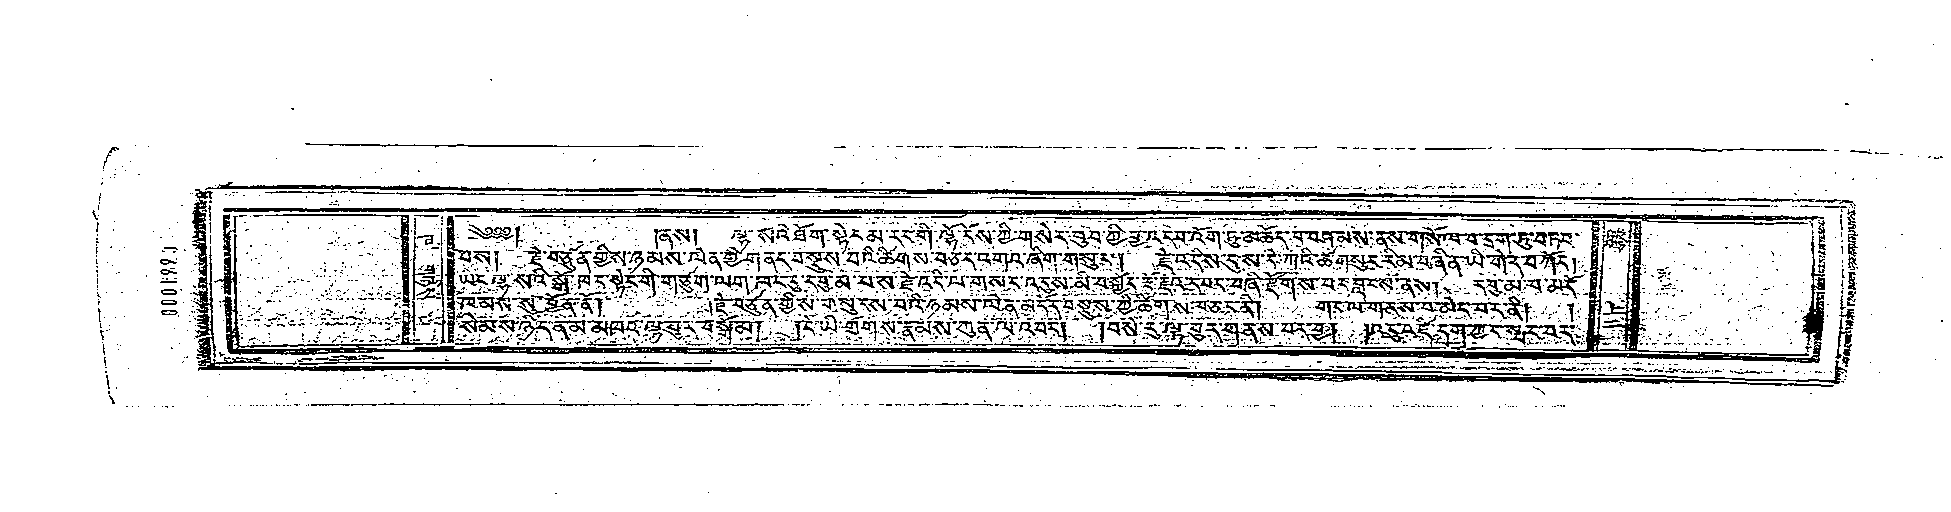༄༅༅། །ནས། ལྷ་སའི་ཐོག་སྟེང་མ་རང་གི་ལྷོ་ངོས་ཀྱི་གསེར་ཕུབ་ཀྱི་བྱ་འདབ་འོག་ཏུ་མཆོད་པ་བཤམས་ནས་གསོལ་བ་དྲག་ཏུ་བཏབ་
པས། རྗེ་བཙུན་གྱིས་ཉམས་ལེན་གྱི་གནད་བསྡུས་པའི་ཚིགས་བཅད་འགའ་ཞིག་གསུང་། རྗེ་འདིས་དུས་དེ་ཀའི་ཚེ་གསུང་རིམ་བཞིན་ཡི་གེར་བཀོད།
ཡང་ལྷ་སའི་སྒོ་ཁང་སྟེང་གི་གཙུག་ལག་ཁང་དུ་དབུ་མ་པས་རྗེ་འདི་ལ་གསང་འདུས་མི་བསྐྱོད་རྡོ་རྗེའི་དབང་བཞི་རྫོགས་པར་བླངས་ནས། དབུ་མ་པ་མདོ་
ཁམས་སུ་བྱོན་ནོ། །རྗེ་བཙུན་གྱིས་གསུངས་པའི་ཉམས་ལེན་མདོར་བསྡུས་ཀྱི་ཚིགས་བཅད་ནི། གང་ལ་གནས་པ་མེད་པར་ནི། །
སེམས་ཉིད་ནམ་མཁའ་ལྟ་བུར་བསྒོམ། །དེ་ཡི་གྲོགས་རྣམས་ཀུན་ལ་འབད། །བསེ་རུ་ལྟ་བུར་གནས་བར་བྱ། །འདུ་འཛི་དག་ཀྱང་སྤང་བར་